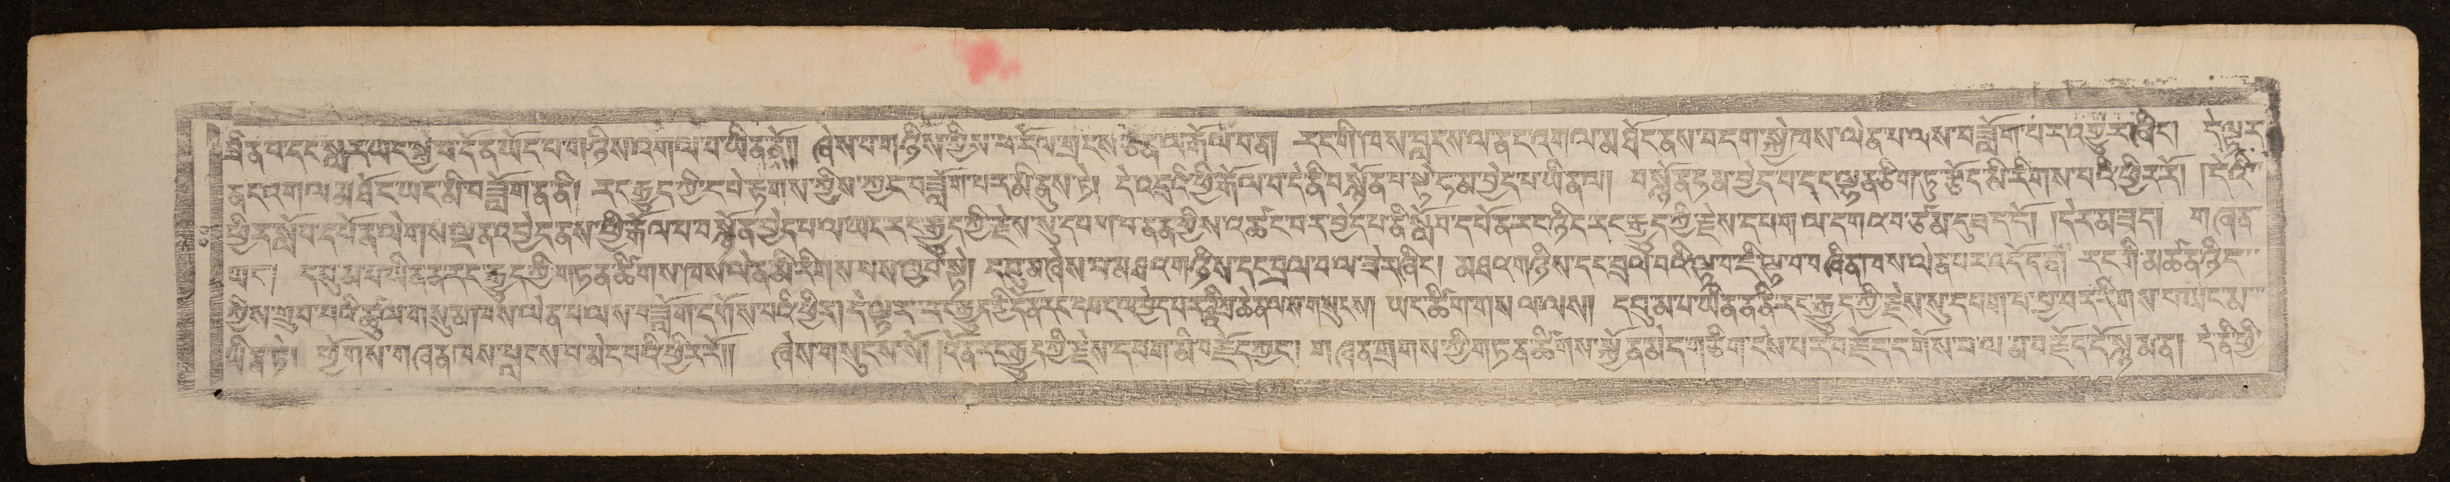ཟིན་པ་དང་སླར་ཡང་སྐྱེ་བ་དོན་ཡོད་པ་གཉིས་འགལ་བ་ཡིན་ནོ། །ཞེས་པ་གཉིས་ཀྱིས་ཕ་རོལ་གྲངས་ཅན་ལ་རྒོལ་བ་ན། རང་གི་ཁས་བླངས་ལ་ནང་འགལ་མཐོང་ནས་བདག་སྐྱེ་ཁས་ལེན་པ་ལས་བཟློག་པར་འགྱུར་ཞིང་། དེ་ལྟར་
ནང་འགལ་མཐོང་ཡང་མི་བཟློག་ན་ནི། རང་རྒྱུད་ཀྱི་དཔེ་རྟགས་ཀྱིས་ཀྱང་བཟློག་པར་མི་ནུས་ཏེ། དེ་འདྲའི་ཕྱི་རྒོལ་བ་དེ་ནི་བསྙོན་པ་སྟེ་ཧམ་བྱེད་པ་ཡིན་ལ། བསྙོན་ཧམ་བྱེད་པ་དང་ལྷན་ཅིག་ཏུ་རྩོད་མི་རིགས་པའི་ཕྱིར་རོ། །དེའི་
ཕྱིར་སློབ་དཔོན་ལེགས་ལྡན་འབྱེད་ནས་ཕྱི་རྒོལ་བ་བསྙོན་བྱེད་པ་ལ་ཡང་རང་རྒྱུད་ཀྱི་རྗེས་སུ་དཔག་པ་ནན་གྱིས་འཚང་བར་བྱེད་པ་ནི་སློབ་དཔོན་རང་ཉིད་རང་རྒྱུད་ཀྱི་རྗེས་དཔག་ལ་དགའ་བ་ཙམ་དུ་ཟད་དོ། །དེར་མ་ཟད། གཞན་
ཡང༑ དབུ་མ་པ་ཡིན་ན་རང་རྒྱུད་ཀྱི་གཏན་ཚིགས་ཁས་ལེན་མི་རིགས་པས་ཁྱབ་སྟེ། དབུ་མ་ཞེས་པ་མཐའ་གཉིས་དང་བྲལ་བ་ལ་ཟེར་ཞིང་། མཐའ་གཉིས་དང་བྲལ་བའི་ལྟ་བ་ཇི་ལྟ་བ་བཞིན་ཁས་ལེན་པར་འདོད་ན། རང་གི་མཚན་ཉིད་
ཀྱིས་གྲུབ་པའི་ཚུལ་གསུམ་ཁས་ལེན་པ་ལས་བཟློག་དགོས་པའི་ཕྱིར། དེ་ལྟར་རང་རྒྱུད་ཀྱི་དོན་རང་དབང་ལ་བྱེད་པར་ཊཱིཀ་ཆེན་ལས་གསུངས། ཡང་ཚིག་གསལ་ལས། དབུ་མ་པ་ཡིན་ན་ནི་རང་རྒྱུད་ཀྱི་རྗེས་སུ་དཔག་པ་བྱ་བར་རིགས་པ་ཡང་མ་
ཡིན་ཏེ། ཕྱོགས་གཞན་ཁས་བླངས་པ་མེད་པའི་ཕྱིར་རོ། །ཞེས་གསུངས་སོ། །འོ་ན་རང་རྒྱུད་ཀྱི་རྗེས་དཔག་མི་བརྗོད་ཀྱང་། གཞན་གྲགས་ཀྱི་གཏན་ཚིགས་སྐྱོན་མེད་གཅིག་ངེས་པར་བརྗོད་དགོས་པ་ལ་མ་བརྗོད་དོ་སྙམ་ན། དེ་ནི་ཕྱི་